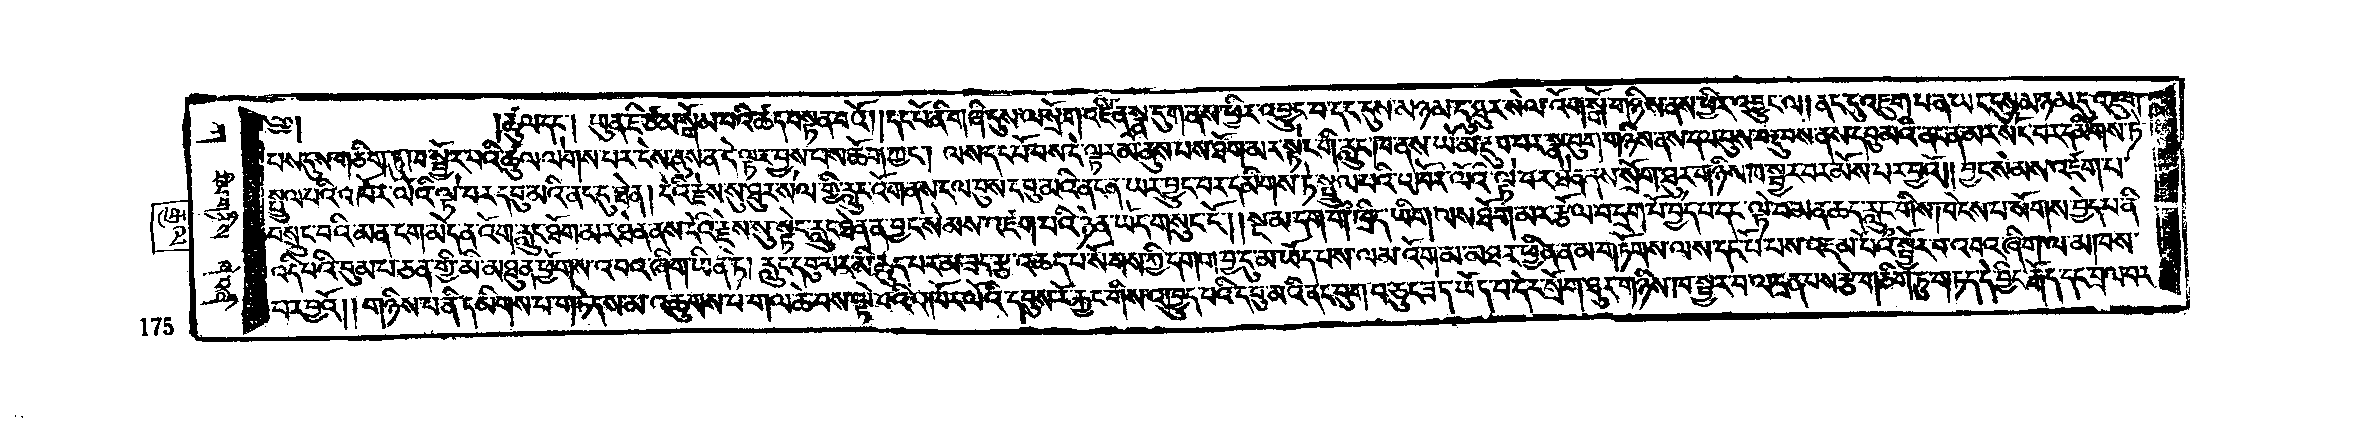༄༅། །ཚུལ་དང་། ཡུན་ཇི་ཙམ་སྒོམ་པའི་ཚད་བསྟན་པའོ། །དང་པོ་ནི་གཞི་དུས་ལ་སྲོག་འཛིན་སྣ་དུག་ནས་ཕྱིར་འབྱུང་བ་དང་དུས་མཉམ་དུ་ཐུར་སེལ་འོག་སྒོ་གཉིས་ནས་ཕྱིར་འབྱུང་ལ། ནང་དུ་འཇུག་པ་ན་ཡང་དུས་མཉམ་དུ་འཇུག་
པས་དུས་གཅིག་ཏུ་ཁ་སྦྱོར་བའི་ཚུལ་ལེགས་པར་ངེས་ནུས་ན་དེ་ལྟར་བྱས་པས་ཆོག་ཀྱང་། ལས་དང་པོ་བས་དེ་ལྟར་མི་ནུས་པས་ཐོག་མར་སྟེང་གི་རླུང་ཁ་ནས་ཡོ་མ་རྡུབ་པར་སྣ་བུག་གཉིས་ནས་དལ་བུས་བརྡུབས་ནས་དབུ་མའི་ནང་ན་མར་སོང་བར་དམིགས་ཏེ་
སྤྲུལ་པའི་འཁོར་ལོའི་ལྟེ་བར་དབུ་མའི་ནང་དུ་ཐེན། དེའི་རྗེས་སུ་ཐུར་སེལ་གྱི་རླུང་འོག་ནས་ངལ་བུས་དབུ་མའི་ནང་ན་ཡར་བྱུང་བར་དམིགས་ཏེ་སྤྲུལ་པའི་འཁོར་ལོའི་ལྟེ་བར་ཐེན་ནས་སྲོག་ཐུར་གཉིས་ཁ་སྦྱར་བར་མོས་པར་བྱའོ། །བྱང་སེམས་འཛག་པ་
བསྲུང་བའི་མན་ངག་མེད་ན་འོག་རླུང་ཐོག་མར་ཐེན་ནས་དེའི་རྗེས་སུ་སྟེང་རླུང་ཐེན་ན་བྱང་སེམས་འཛག་པའི་ཉེན་ཡོད་གསུང་ངོ། །སྔ་མ་དག་གི་ཁྲིད་ཡིག་ལས་ཐོག་མར་རྩོལ་བ་དྲག་པོ་བྱེད་པ་དང་ལྟེ་བ་མན་ཆད་རླུང་གིས་ཁེངས་པ་སོགས་བྱེད་པ་ནི་
འདི་པའི་བུམ་པ་ཅན་གྱི་མི་མཐུན་ཕྱོགས་འབའ་ཞིག་ཡིན་ཏེ། རླུང་དབུ་མར་མི་ཚུད་པར་མ་ཟད་རྩ་འཆད་པ་སོགས་ཀྱི་དགག་བྱ་དུ་མ་ཡོད་པས་ལམ་འོག་མ་མཐར་ཕྱིན་ནམ་གཏོགས་ལས་དང་པོ་པས་འཇམ་པོའི་སྦྱོར་བ་འབའ་ཞིག་ལ་མཁས་
པར་བྱའོ། །གཉིས་པ་ནི་དམིགས་པ་གཏེད་ས་མ་འཆུགས་པ་གལ་ཆེ་བས་ལྟེ་བའི་འཁོར་ལོའི་དབུས་རོ་རྐྱང་གིས་འཁྱུད་པའི་དབུ་མའི་ནང་བུག་བ་ཅུང་ཟད་ཡོད་པ་དེར་སྲོག་ཐུར་གཉིས་ཁ་སྦྱར་བ་ལ་དྲན་པས་རྩེ་གཅིག་ཏུ་གཏད་དེ་བྱིང་རྒོད་དང་བྲལ་བར་